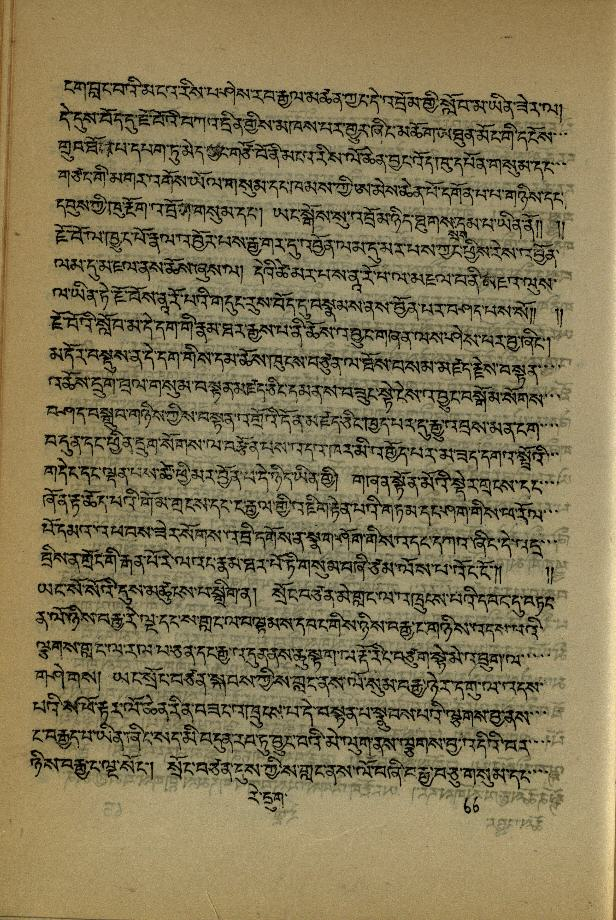ངག་བླང་བའི་མངའ་རིས་པ་ཤེས་རབ་རྒྱལ་མཚན་ཀྱང་དེ་འབྲོམ་གྱི་སློབ་མ་ཡིན་ཟེར་ལ།
དེ་དུས་བོད་དུ་ཇོ་བོའི་བཀའ་དྲིན་གྱིས་མཁས་པར་གྱུར་ཞིང་མཆོག་མཐུན་མོང་གི་དངོས་
གྲུབ་ཐོབ་པ་དཔག་ཏུ་མེད་ཀྱང་གཙོ་བོ་ནི་མངའ་རིས་ལོ་ཆེན་བྱང་འོད་ཁུ་དཔོན་གསུམ་དང་
གཙང་གི་མགར་འགོས་ཡོལ་གསུམ་དང་ཁམས་ཀྱི་ཨ་མེས་ཆེན་པོ་དགོན་པ་པ་གཉིས་དང་
དབུས་ཀྱི་ཁུ་རྔོག་འབྲོག་གསུམ་དང་། ཡང་སྒོས་སུ་འབྲོ་མ་ཉིད་ཐུགས་སྲས་དམ་པ་ཡིན་ནོ།། །།
ཇོ་བོ་ལ་ཁྱུང་པོ་རྣལ་འབྱོར་པས་རྒྱ་གར་དུ་འབྱོན་ལམ་དུ་མར་པས་ཀྱང་ཕྱིས་རེས་འབྱོན་
ལམ་དུ་མཇལ་ནས་ཆོས་ཞུས་ལ། དེའི་ཚེ་མར་པས་ནཱ་རོ་པ་ལ་མཇལ་བ་ནི་མཇའ་ལུས་
ལ་ཡིན་ཏེ་ཇོ་བོས་ནཱ་རོ་པའི་གདུང་རུས་བོད་དུ་བསྣམས་ནས་བྱོན་པར་བཤད་པས་སོ།། །།
ཇོ་བོའི་སློབ་མ་དེ་དག་གིས་དམ་ཆོས་ཁུངས་བཙུན་ལ་ཐོས་བསམ་མཛད་རྗེས་བསྟན་
མདོར་བསྡུས་ན་དེ་དག་གིས་དམ་ཆོས་ཁུངས་བཙུན་ལ་ཐོས་བསམ་མཛད་རྗེས་བསྟན་
འཆོས་དྲུག་བྲལ་གསུམ་བསྟན་མཛད་ཅིང་དམན་ས་བཟུང་སྟེ་ངེས་འབྱུང་བསྒོམ་སོགས་
བཤད་བསྒྲུབ་གཉིས་ཀྱིས་བསྟན་འགྲོའི་དོན་མཛད་ཅིང་ཁྱད་པར་དུ་རྒྱུ་འབྲས་མན་ངག་
བདུན་དང་ཕྱིན་དྲུག་སོགས་ལ་བརྩོན་པས་འདའ་ཁར་མི་འགྱོད་པར་མ་ཟད་དགའ་སྤྲོའི་
གདེང་དང་ལྡན་པས་ཚེ་ཕྱི་མར་བྱོན་པ་དེ་ཉིད་ཡིན་གྱི། གཞན་སྟོན་མོའི་སྡེར་གྲངས་དང་
ཞོན་རྟ་ཆོད་པའི་གོམ་གྲངས་དང་ང་རྒྱལ་གྱི་འཇིག་རྟེན་པའི་གཏམ་དང་ཤག་གིས་ཕ་རོལ་
པོ་དམའ་འཕབས་ཟེར་སོགས་འབྲི་དགོས་ན་སྣག་ཤོག་གིས་འདང་དཀའ་ཞིང་དེ་འདྲ་
བྲིས་ན་གྲོང་གི་རྒན་པོ་རེ་ལའང་རྣམ་ཐར་པོ་ཏི་གསུམ་བཞི་ཙམ་ལོས་པ་འོང་ངོ།། །།
ཡང་སོ་སོའི་དུས་མཚུངས་པ་སྒྲིག་ན། སྲོང་བཙན་མེ་གླང་ལ་འཁྲུངས་པའི་དབང་དུ་བཏང་
ན་ལོ་ཉིས་བརྒྱ་རེ་ལྔ་དང་ས་གླང་ལ་བལྟམས་དབང་གིས་ཉིས་བརྒྱ་ང་གཉིས་འདས་པའི་
ལྕགས་གླང་ལ་རལ་པ་ཅན་དང་རྒྱ་འདུན་ནས་ཆུ་སྟག་ལ་རྡོ་རིང་བཙུག་སྟེ་མེ་འབྲུག་ལ་
གཤེགས། ཡང་སྲོང་བཙན་སྐབས་ཀྱིས་གླང་ནས་ལོ་སུམ་བརྒྱ་ཉེར་དགུ་ལ་འདས་
པའི་ས་ཕོ་རྟར་ལོ་ཆེན་རིན་བཟང་འཁྲུངས་པ་དེ་བསྟན་པ་སྣུབས་པའི་ལྕགས་བྱ་ནས་
ང་བརྒྱད་པ་ཡིན་ཞིང་སད་མི་བདུན་རབ་ཏུ་བྱུང་བའི་མེ་ལུག་ནས་ལྕགས་བྱ་འདིའི་བར་
ཉིས་བརྒྱ་ང་ལྔ་སོང་། སྲོང་བཙན་དུས་ཀྱི་ས་གླང་ནས་ལོ་བཞི་བརྒྱ་བཅུ་གསུམ་དང་